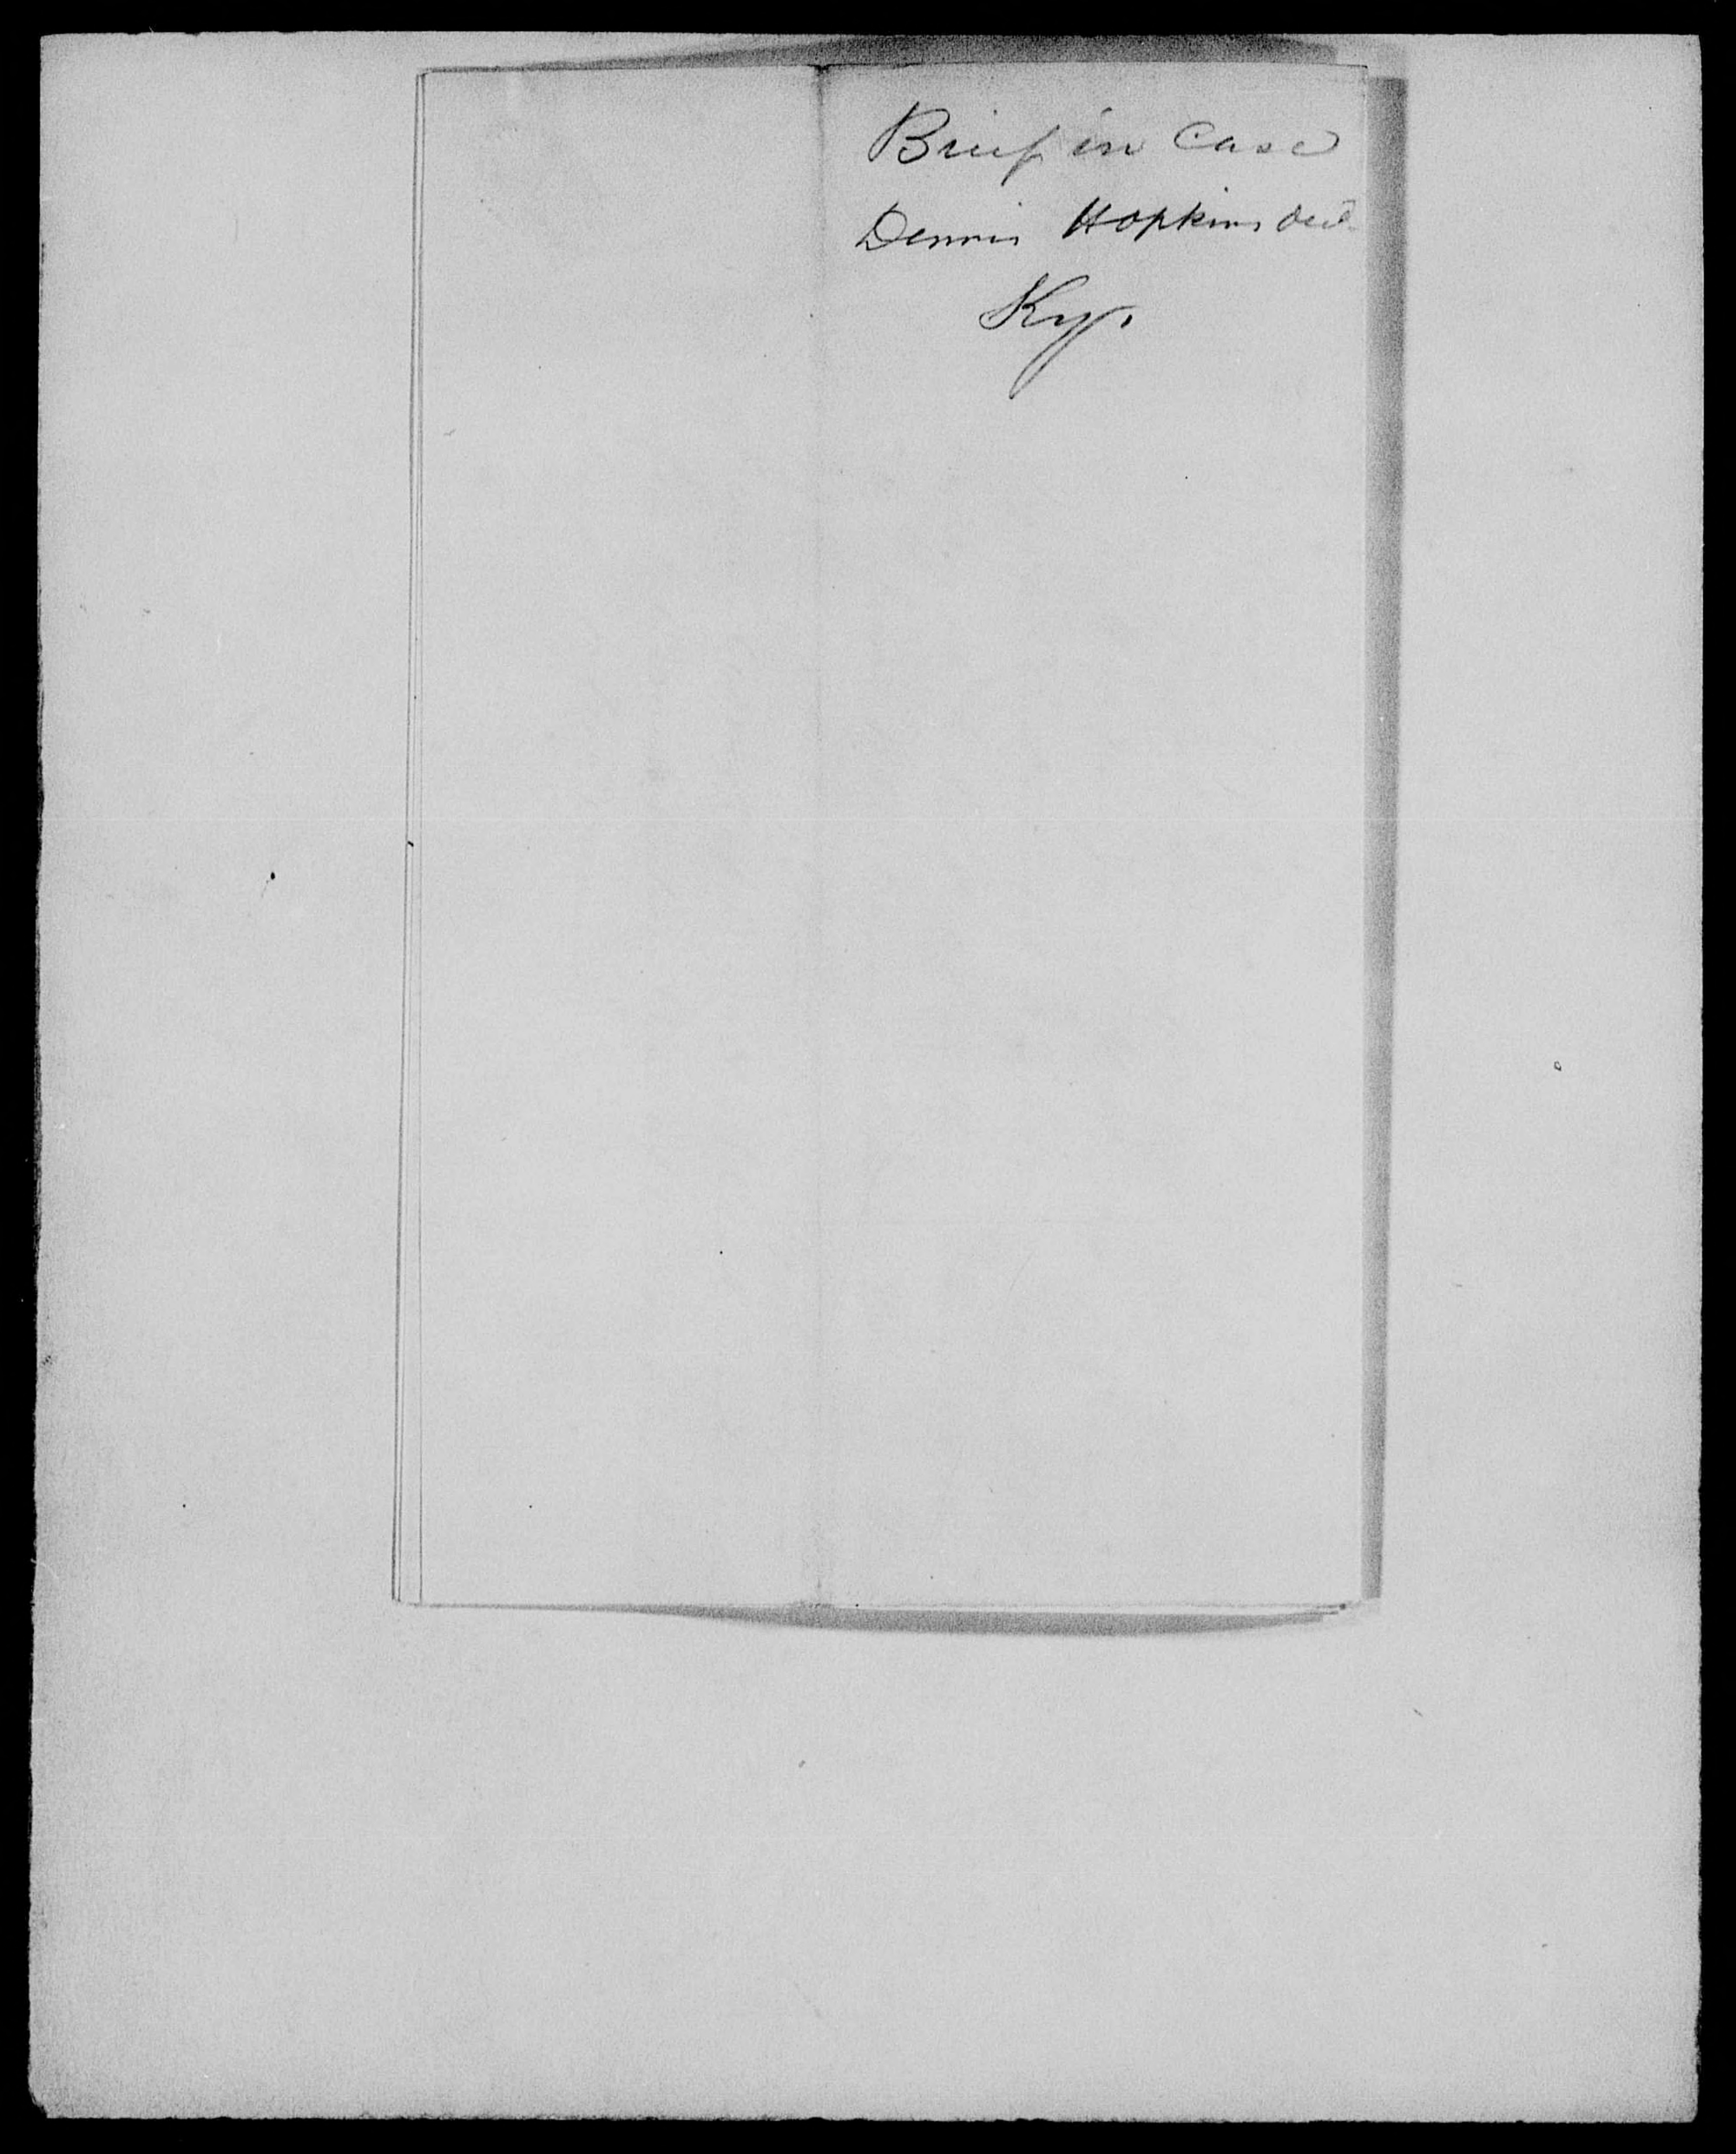Brief in case 
Dennis Hopkins Decd
Ky.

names: Dennis Hopkins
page: 46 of 144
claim: rejected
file: R. 5208, Dennis Hopkins, N.C.